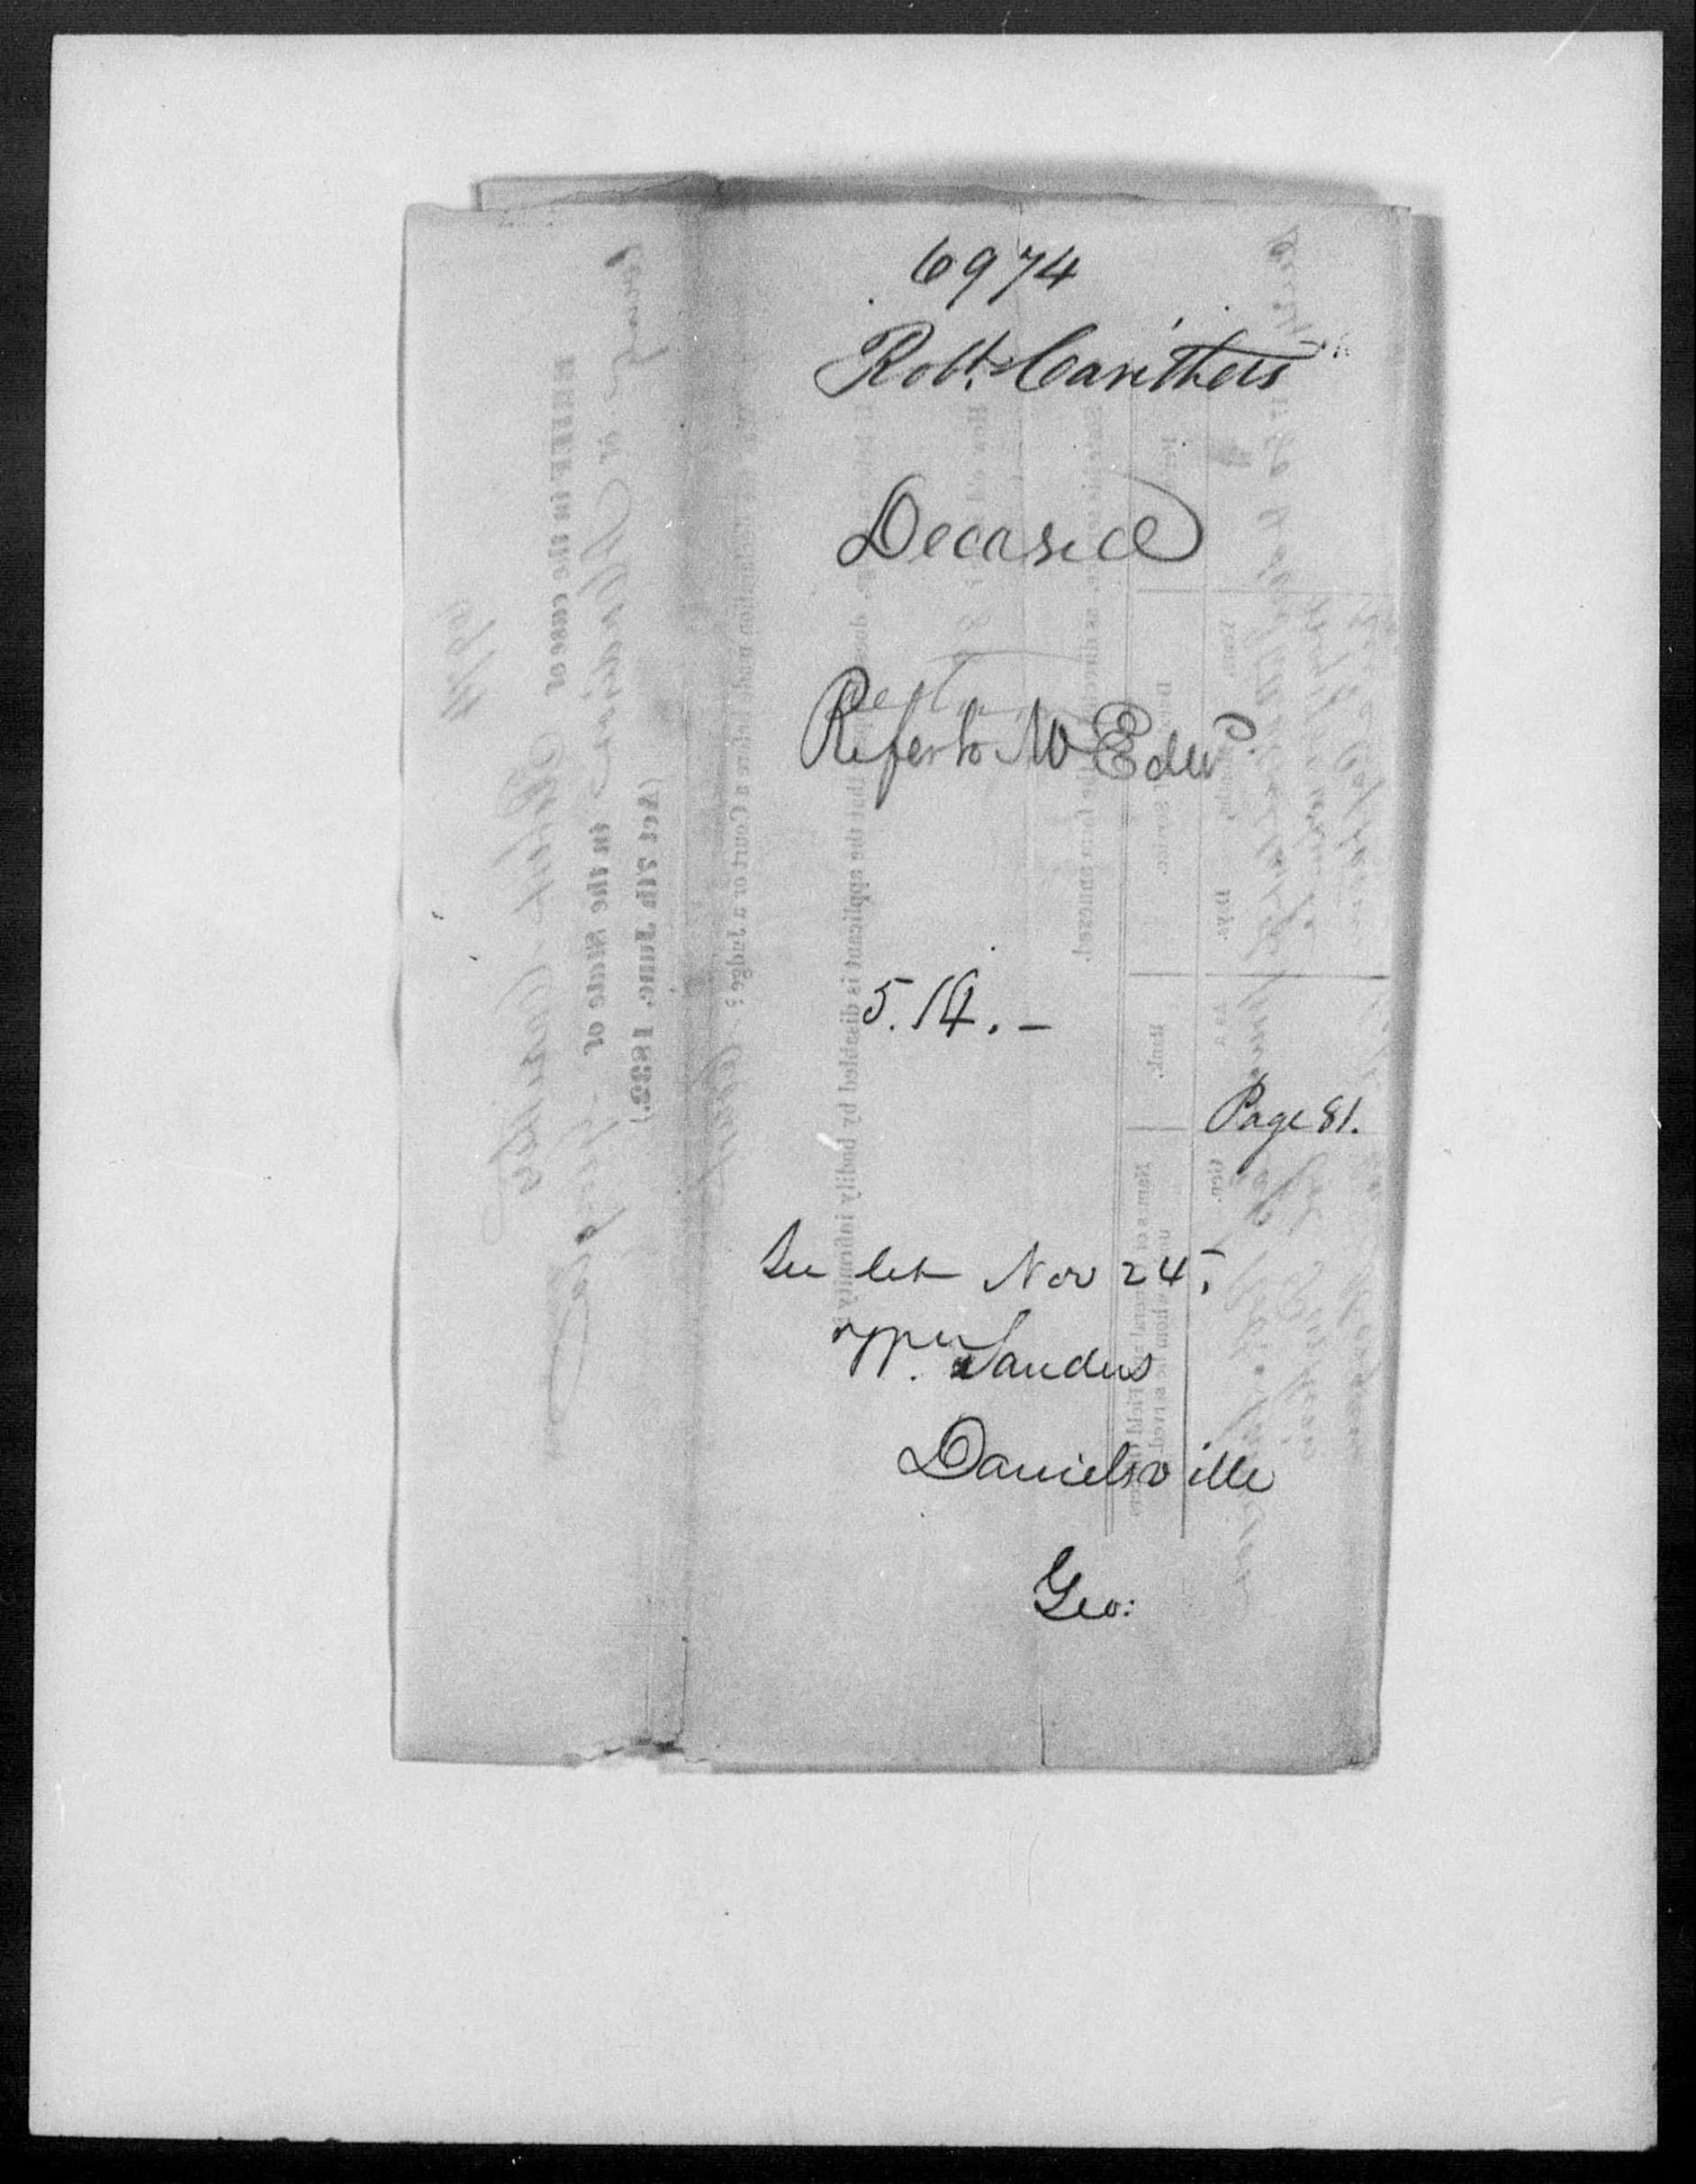6974
Robt Carithers
Deceased
Rever to Wdw
514
Page 81
su let Nov 24
Wm Sanders
Danielsville
Geo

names: Wm Sanders, Robt Carithers, Edwd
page: 7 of 33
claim: widow's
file: W. 23779, Robert Carithers, S.C.